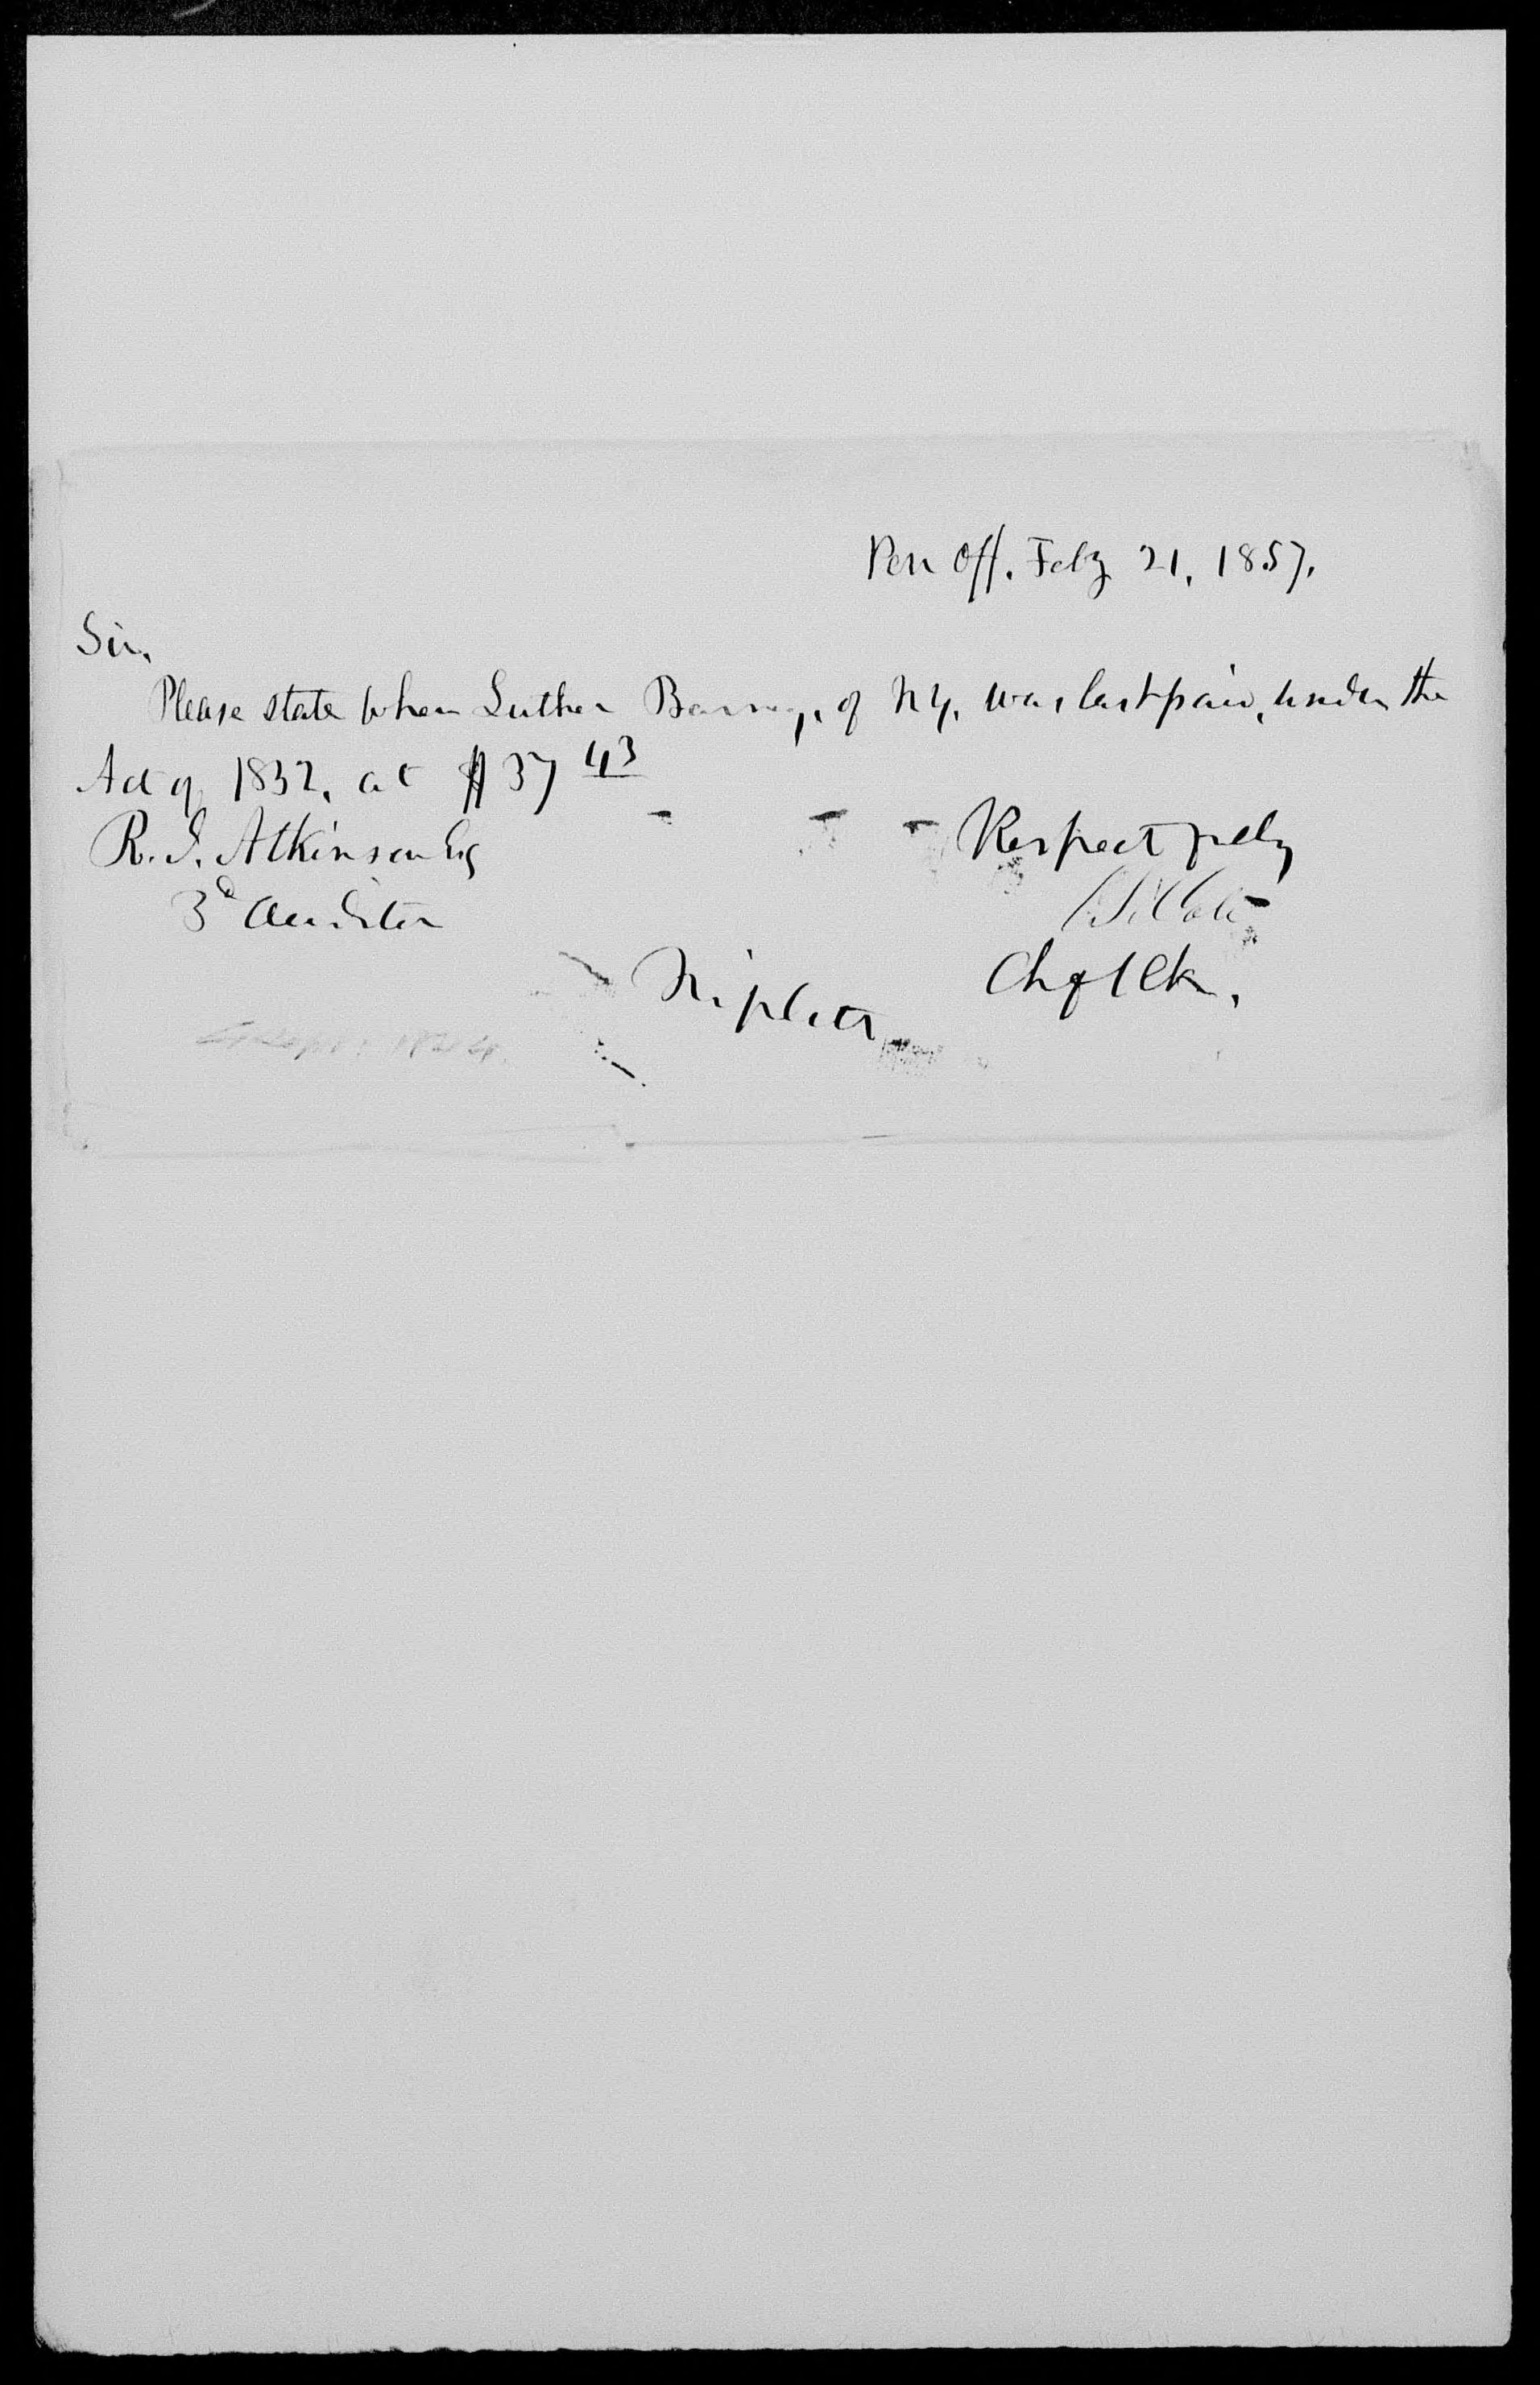Pen off. Feby 21, 1857.

Sir
Please state when Luther Barney of NY. was last paid under the Act of 1832, at $37.43
Respectfully
I S [?] Cole
Chf Clk.

R. I. Atkinson
3d Quarter

Ripley [?]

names: W Cole, Luther Barney, R I Atkinson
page: 50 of 61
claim: widow's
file: W. 4.124, Luther Barney, Conn. Privateer.